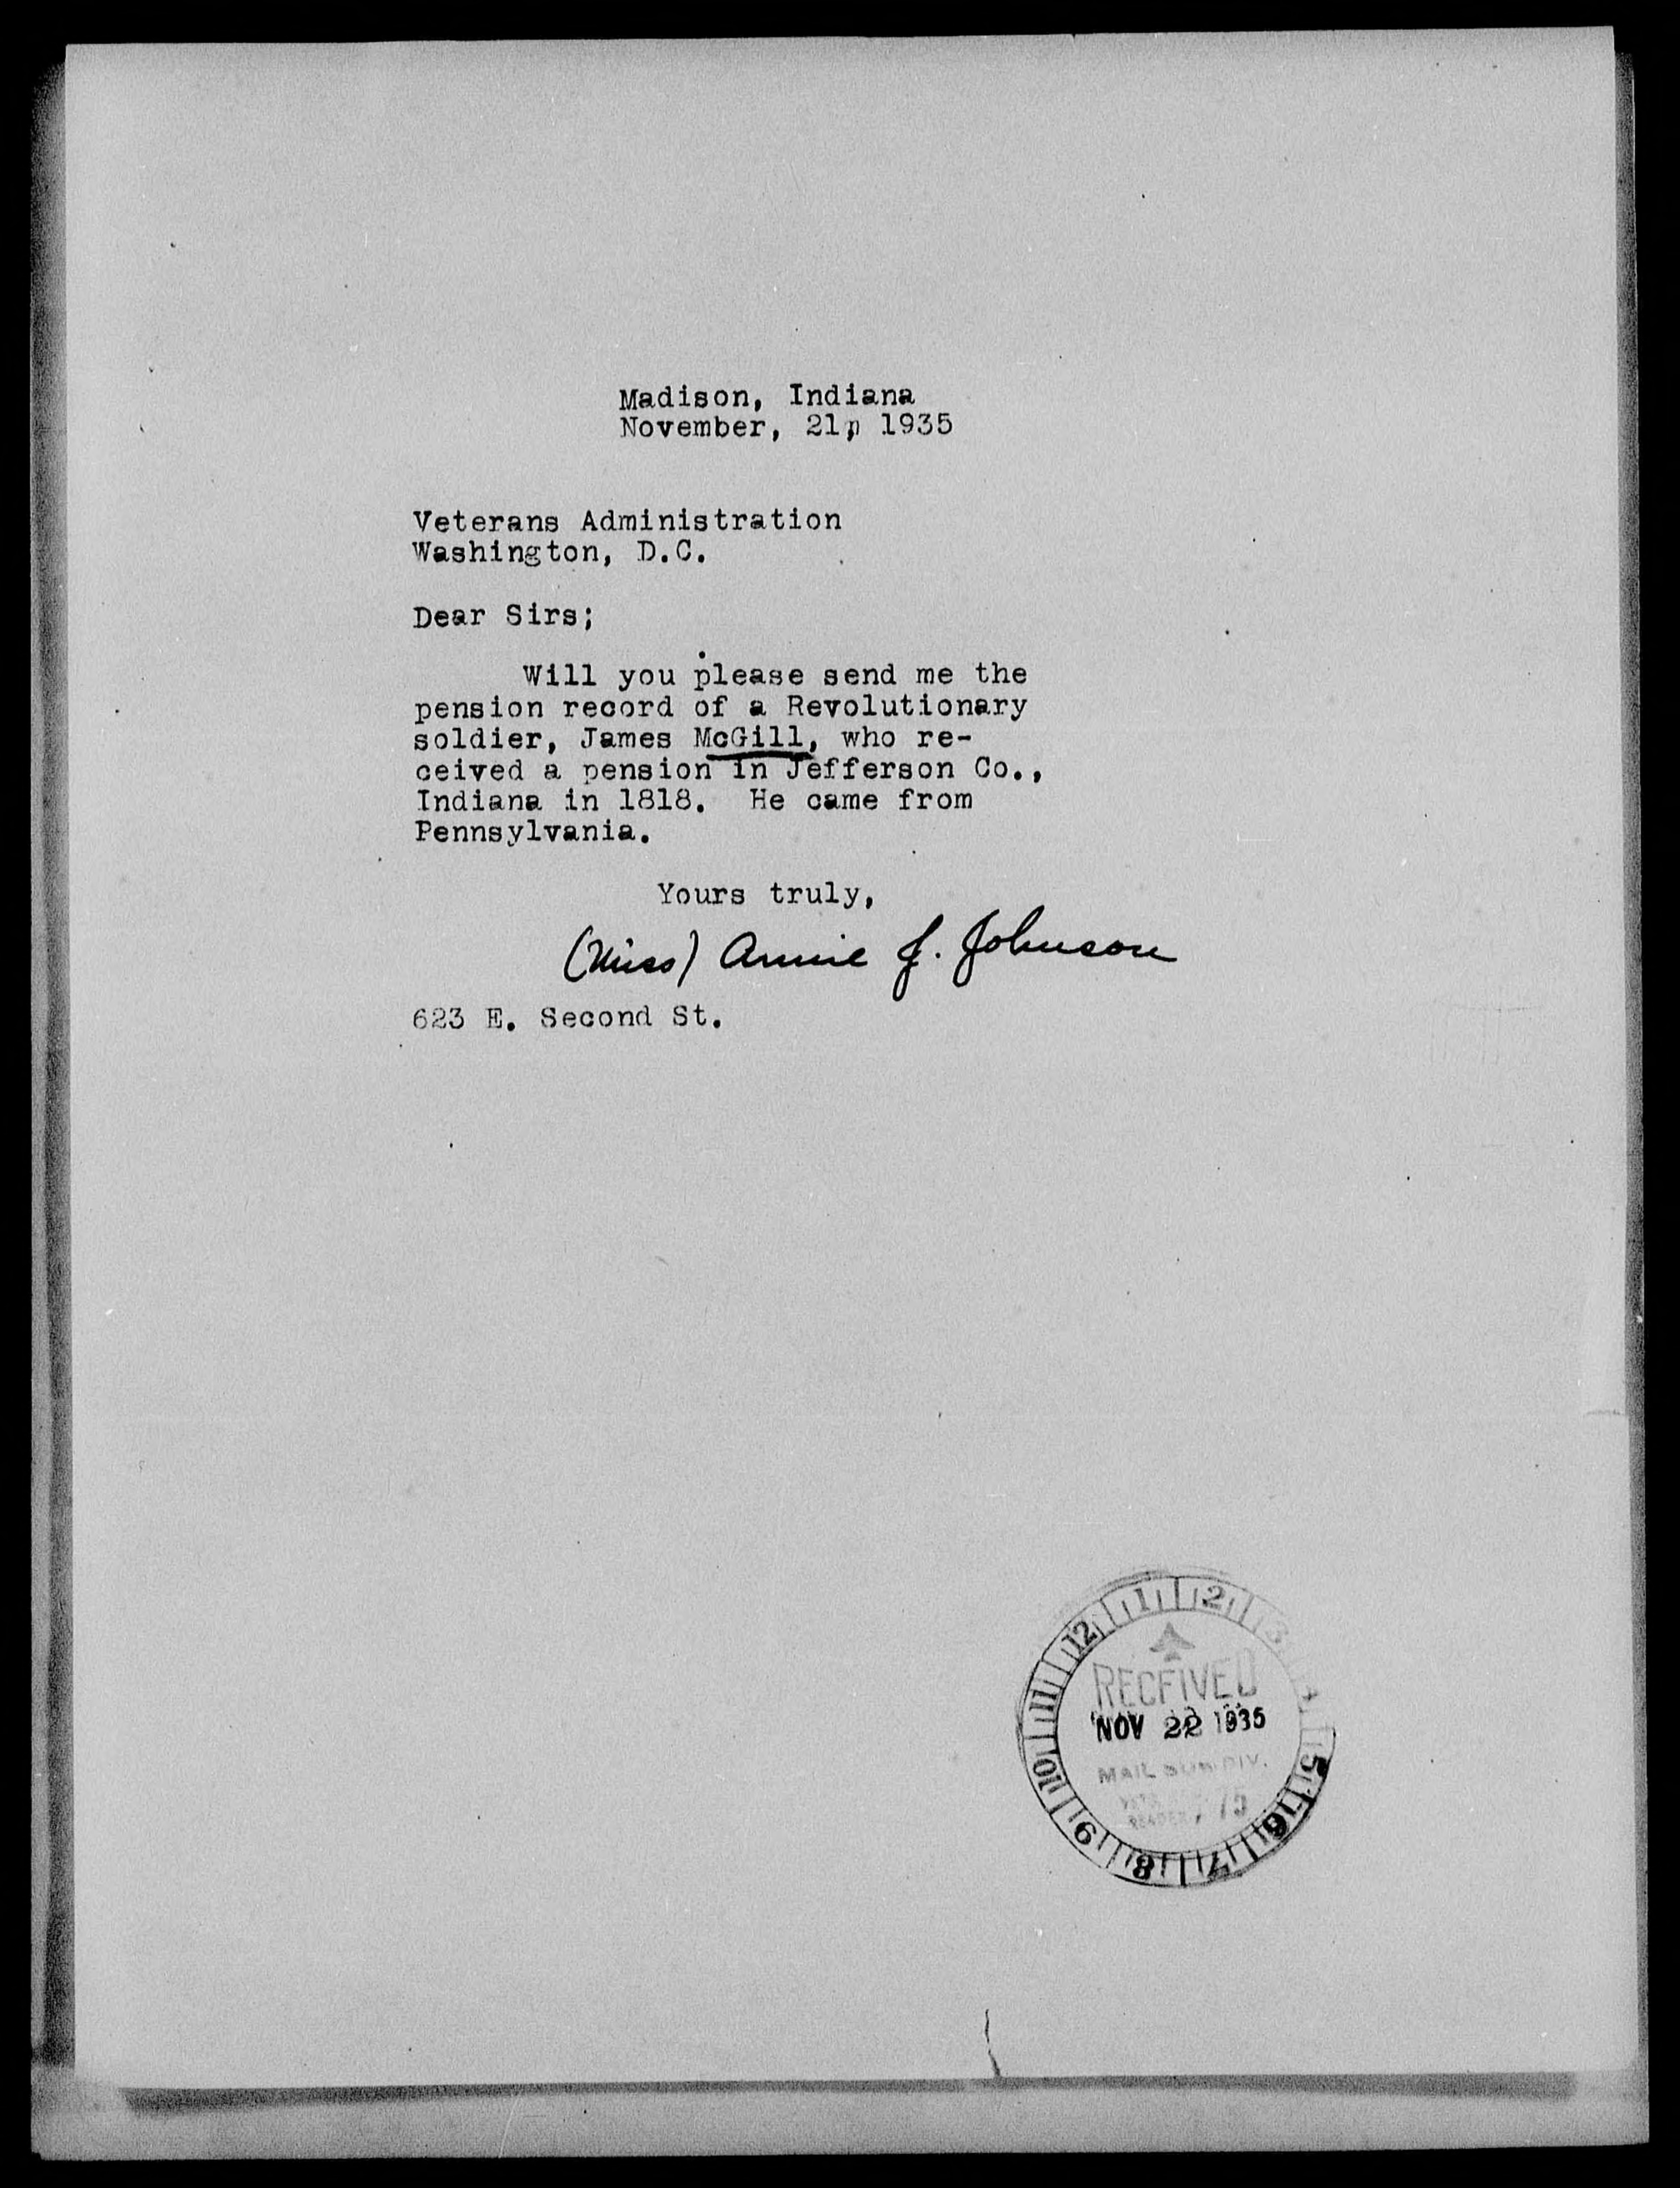Image 118 4160873_0018
Fold3 File #23857284

Madison, Indiana
November, 21, 1935
Veterans Administration Washington, D.C.
Dear Sirs;
Will you please send me the pension record of a Revolutionary soldier, James MCGill, who re- ceived a pension in Jefferson Co., Indiana in 1818. He came from Pennsylvania.
Yours truly,
(Miss) Annie May Johnson
623 E. Second St.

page: 60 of 71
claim: widow's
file: W. 8428, for James Mc Gill, Pennsylvania